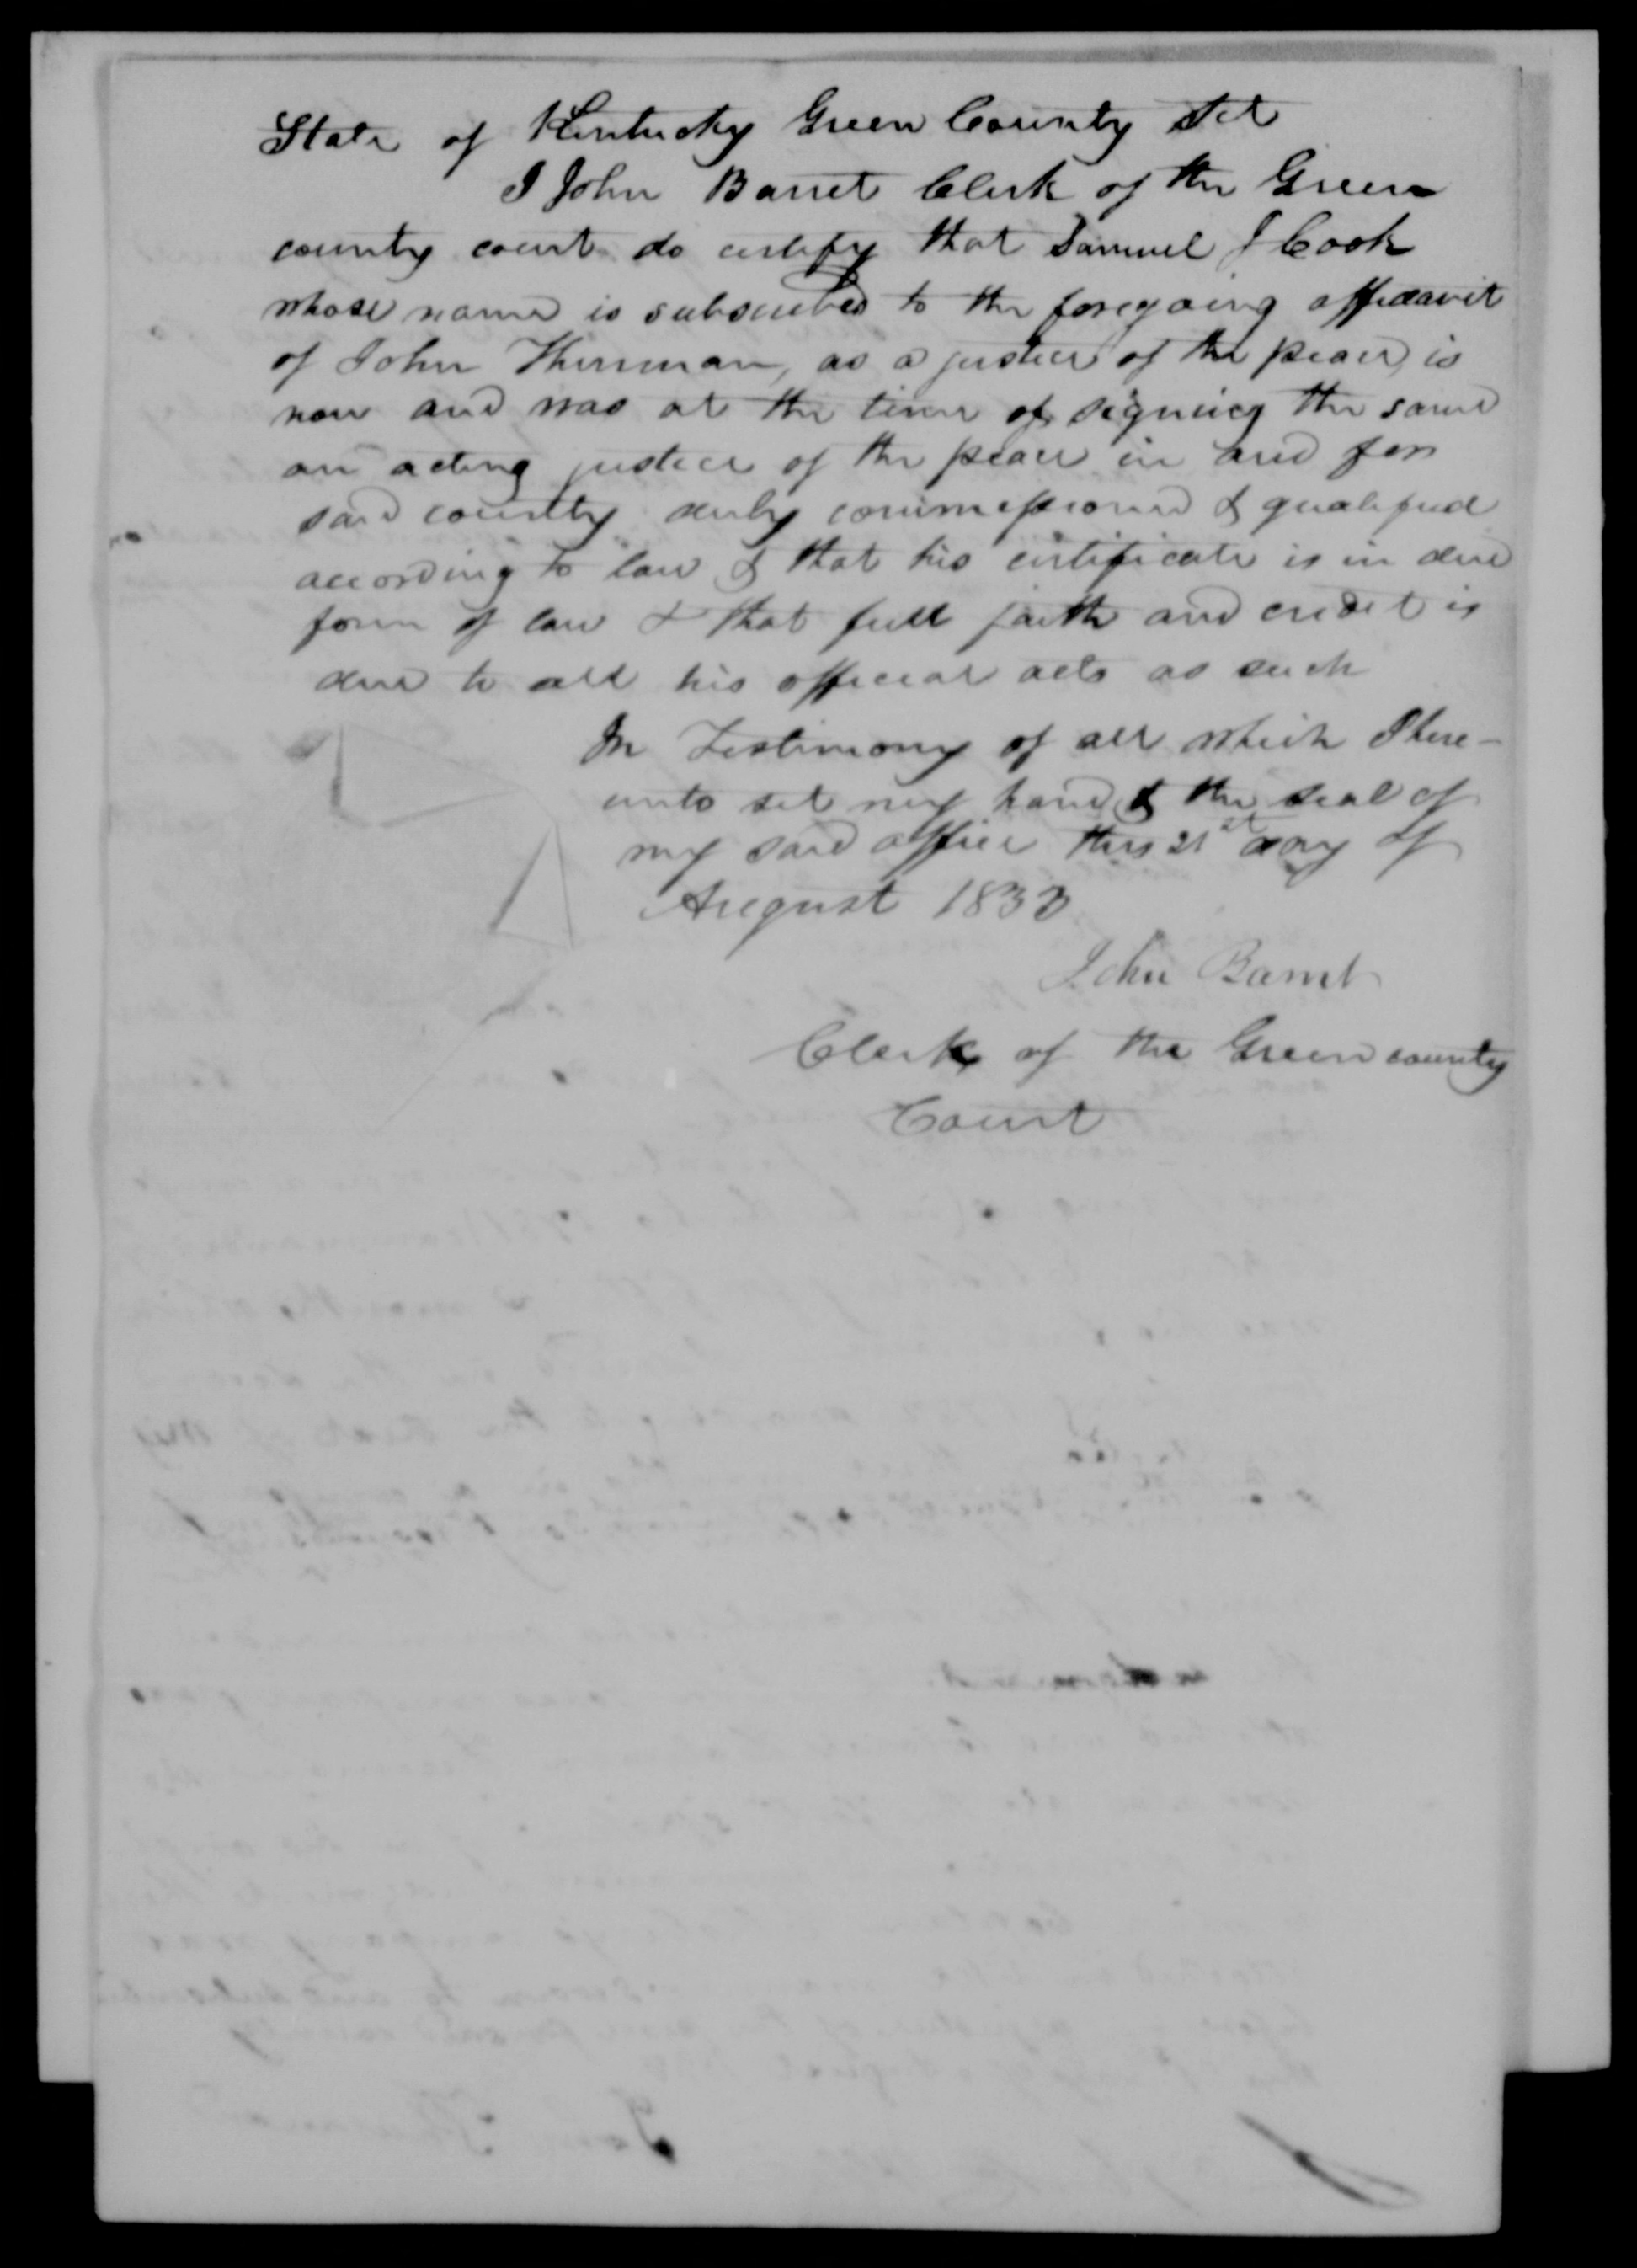[ State of Kentucky Green County ] Set  I John Barret Clerk of the Green County Court do certify that Samuel G. Cook whose name is subscribed to the foregoing  affidavit of John Thurman is a Justice of the peace in and for said County duly commissioned  & qualified according to law & that his certificate is in due form of law & that full faith and credit is due to all his official acts as such . In testimony of all which thereunto set my hand  & the seal of my said office this 21st day of August 1833. John Barret ( signed / sealed )  Clerk of the Green County Court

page: 39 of 53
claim: widow's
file: W. 6,267, for John Thurman, Georgia